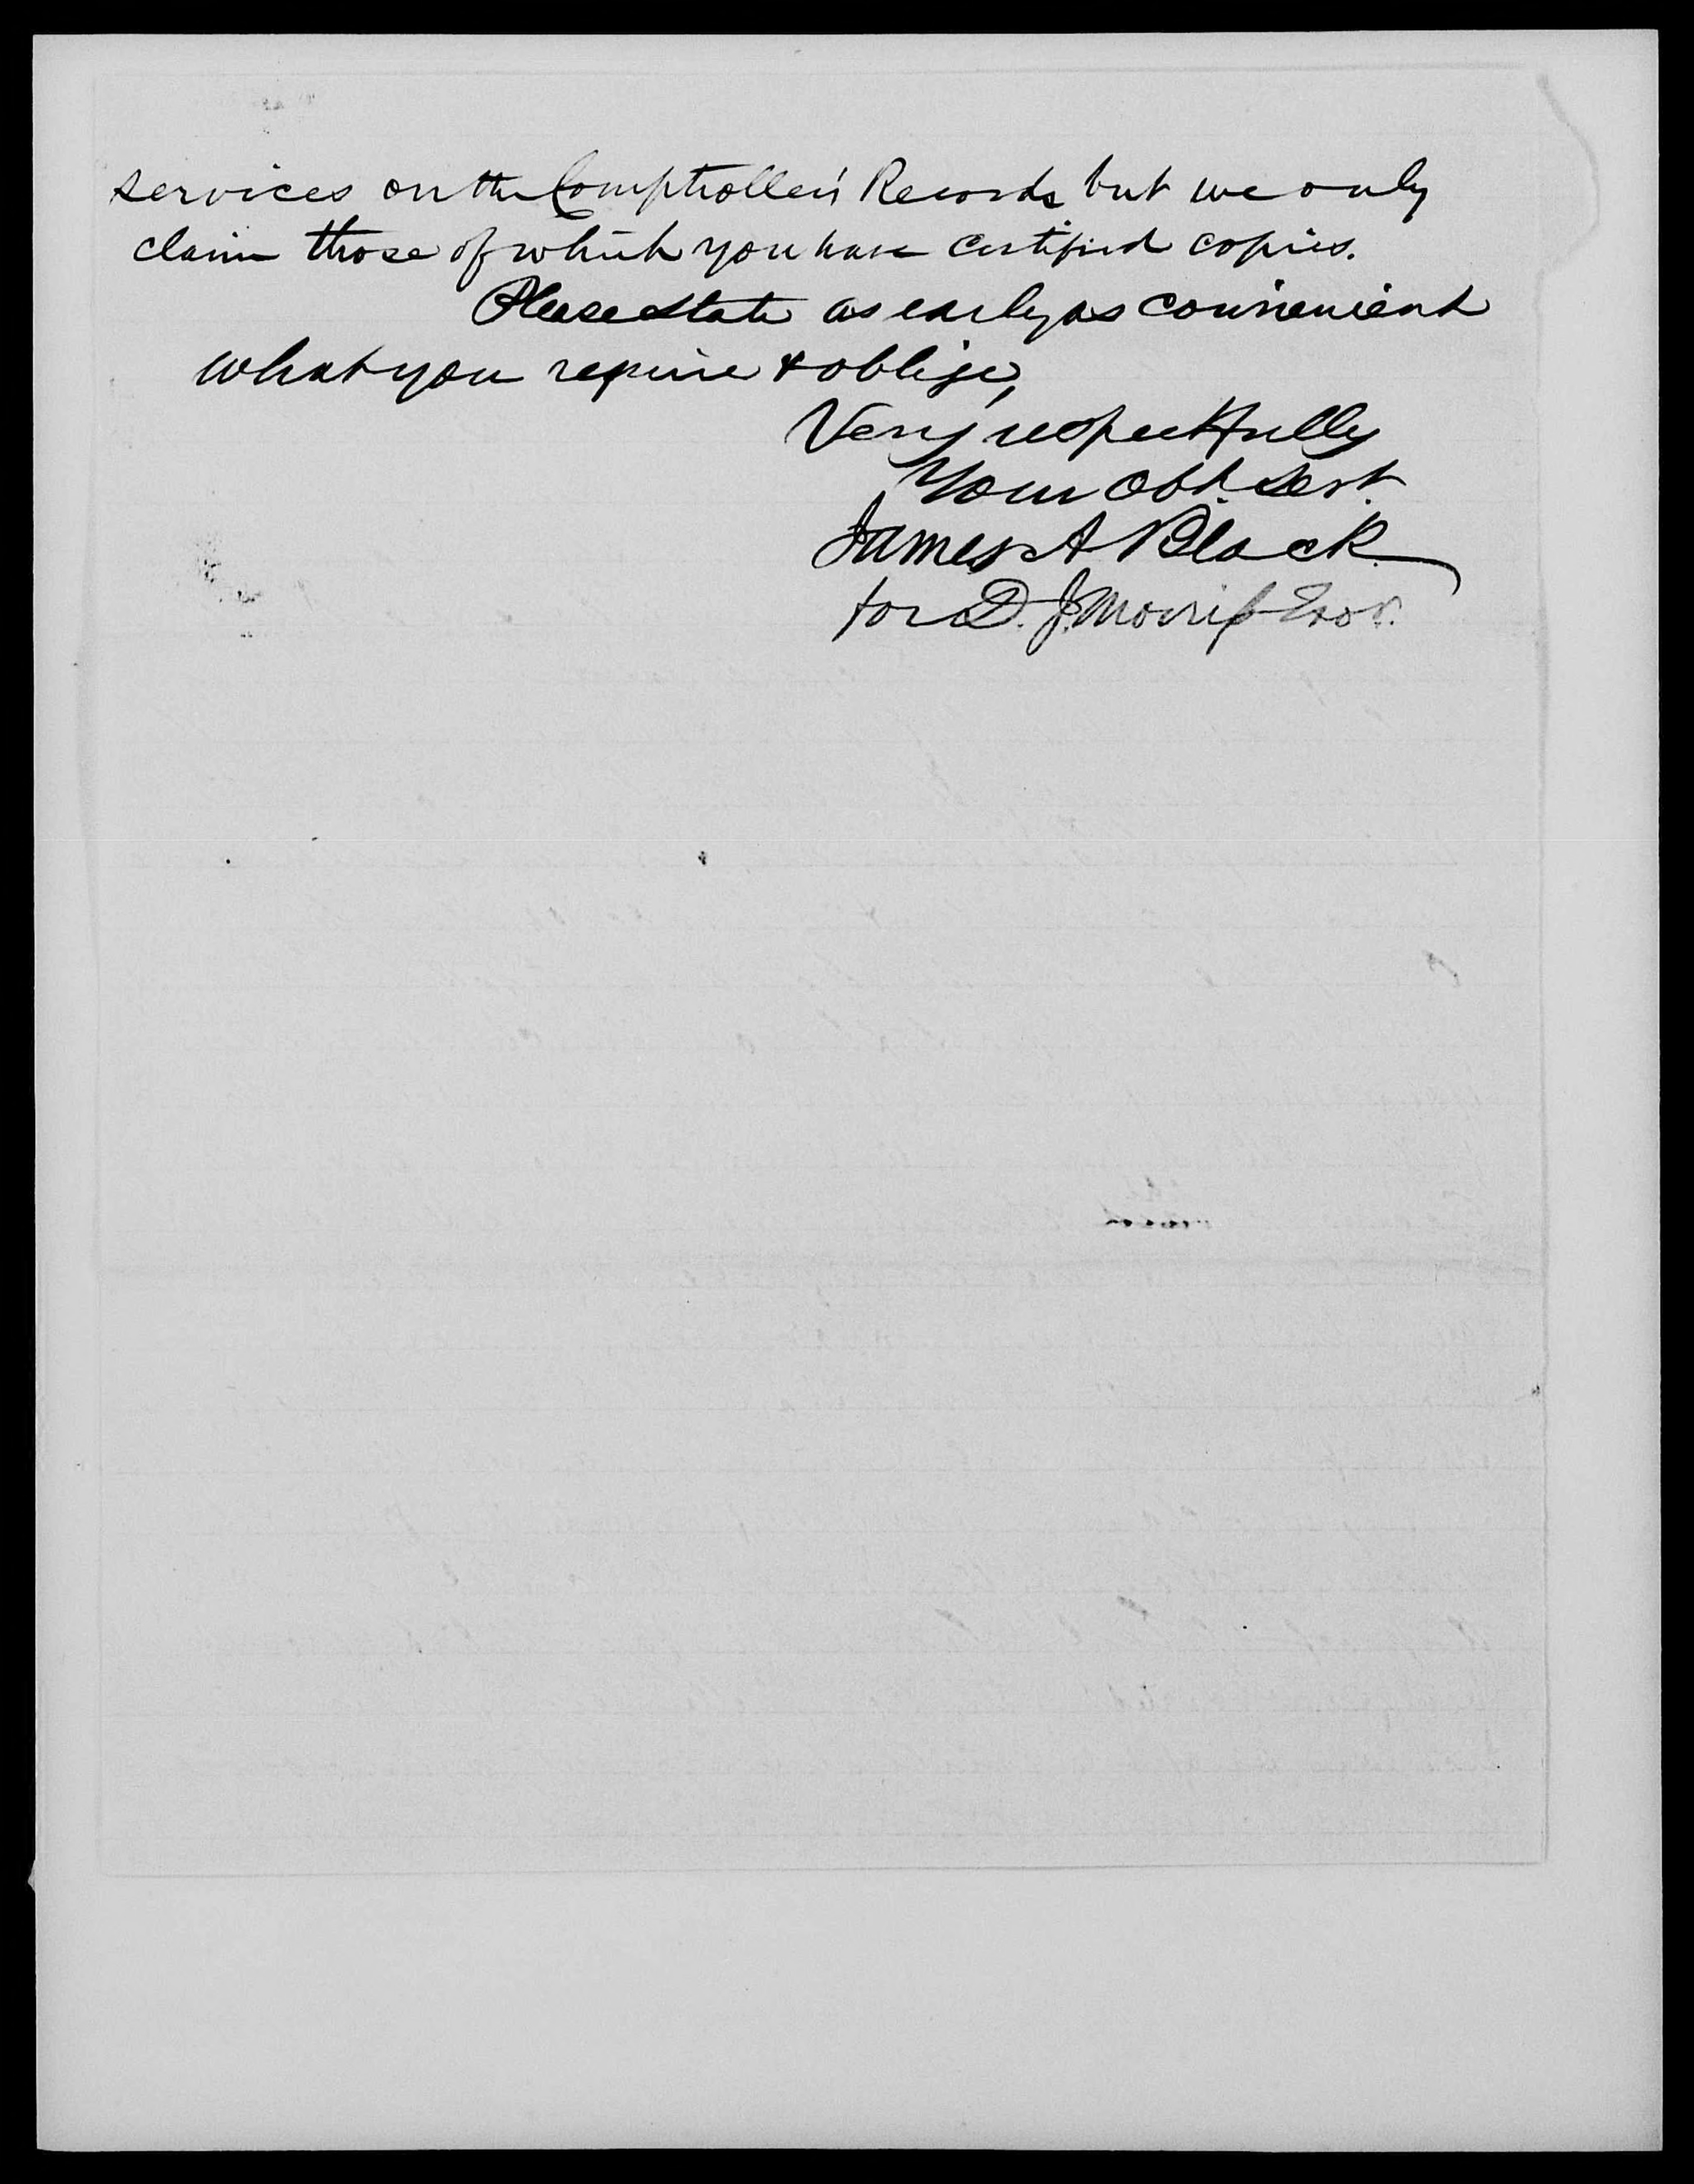services on the Comptroller's Records but we only
claim those of which you have certified copies.
Please state as early as convenient
what you require & oblige
Very respectfully
Your Obt sert
James A Black
for D. J. Morris Exec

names: D J Morriss; James A Black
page: 16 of 20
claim: rejected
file: R. 7407, for John Morriss, South Carolina